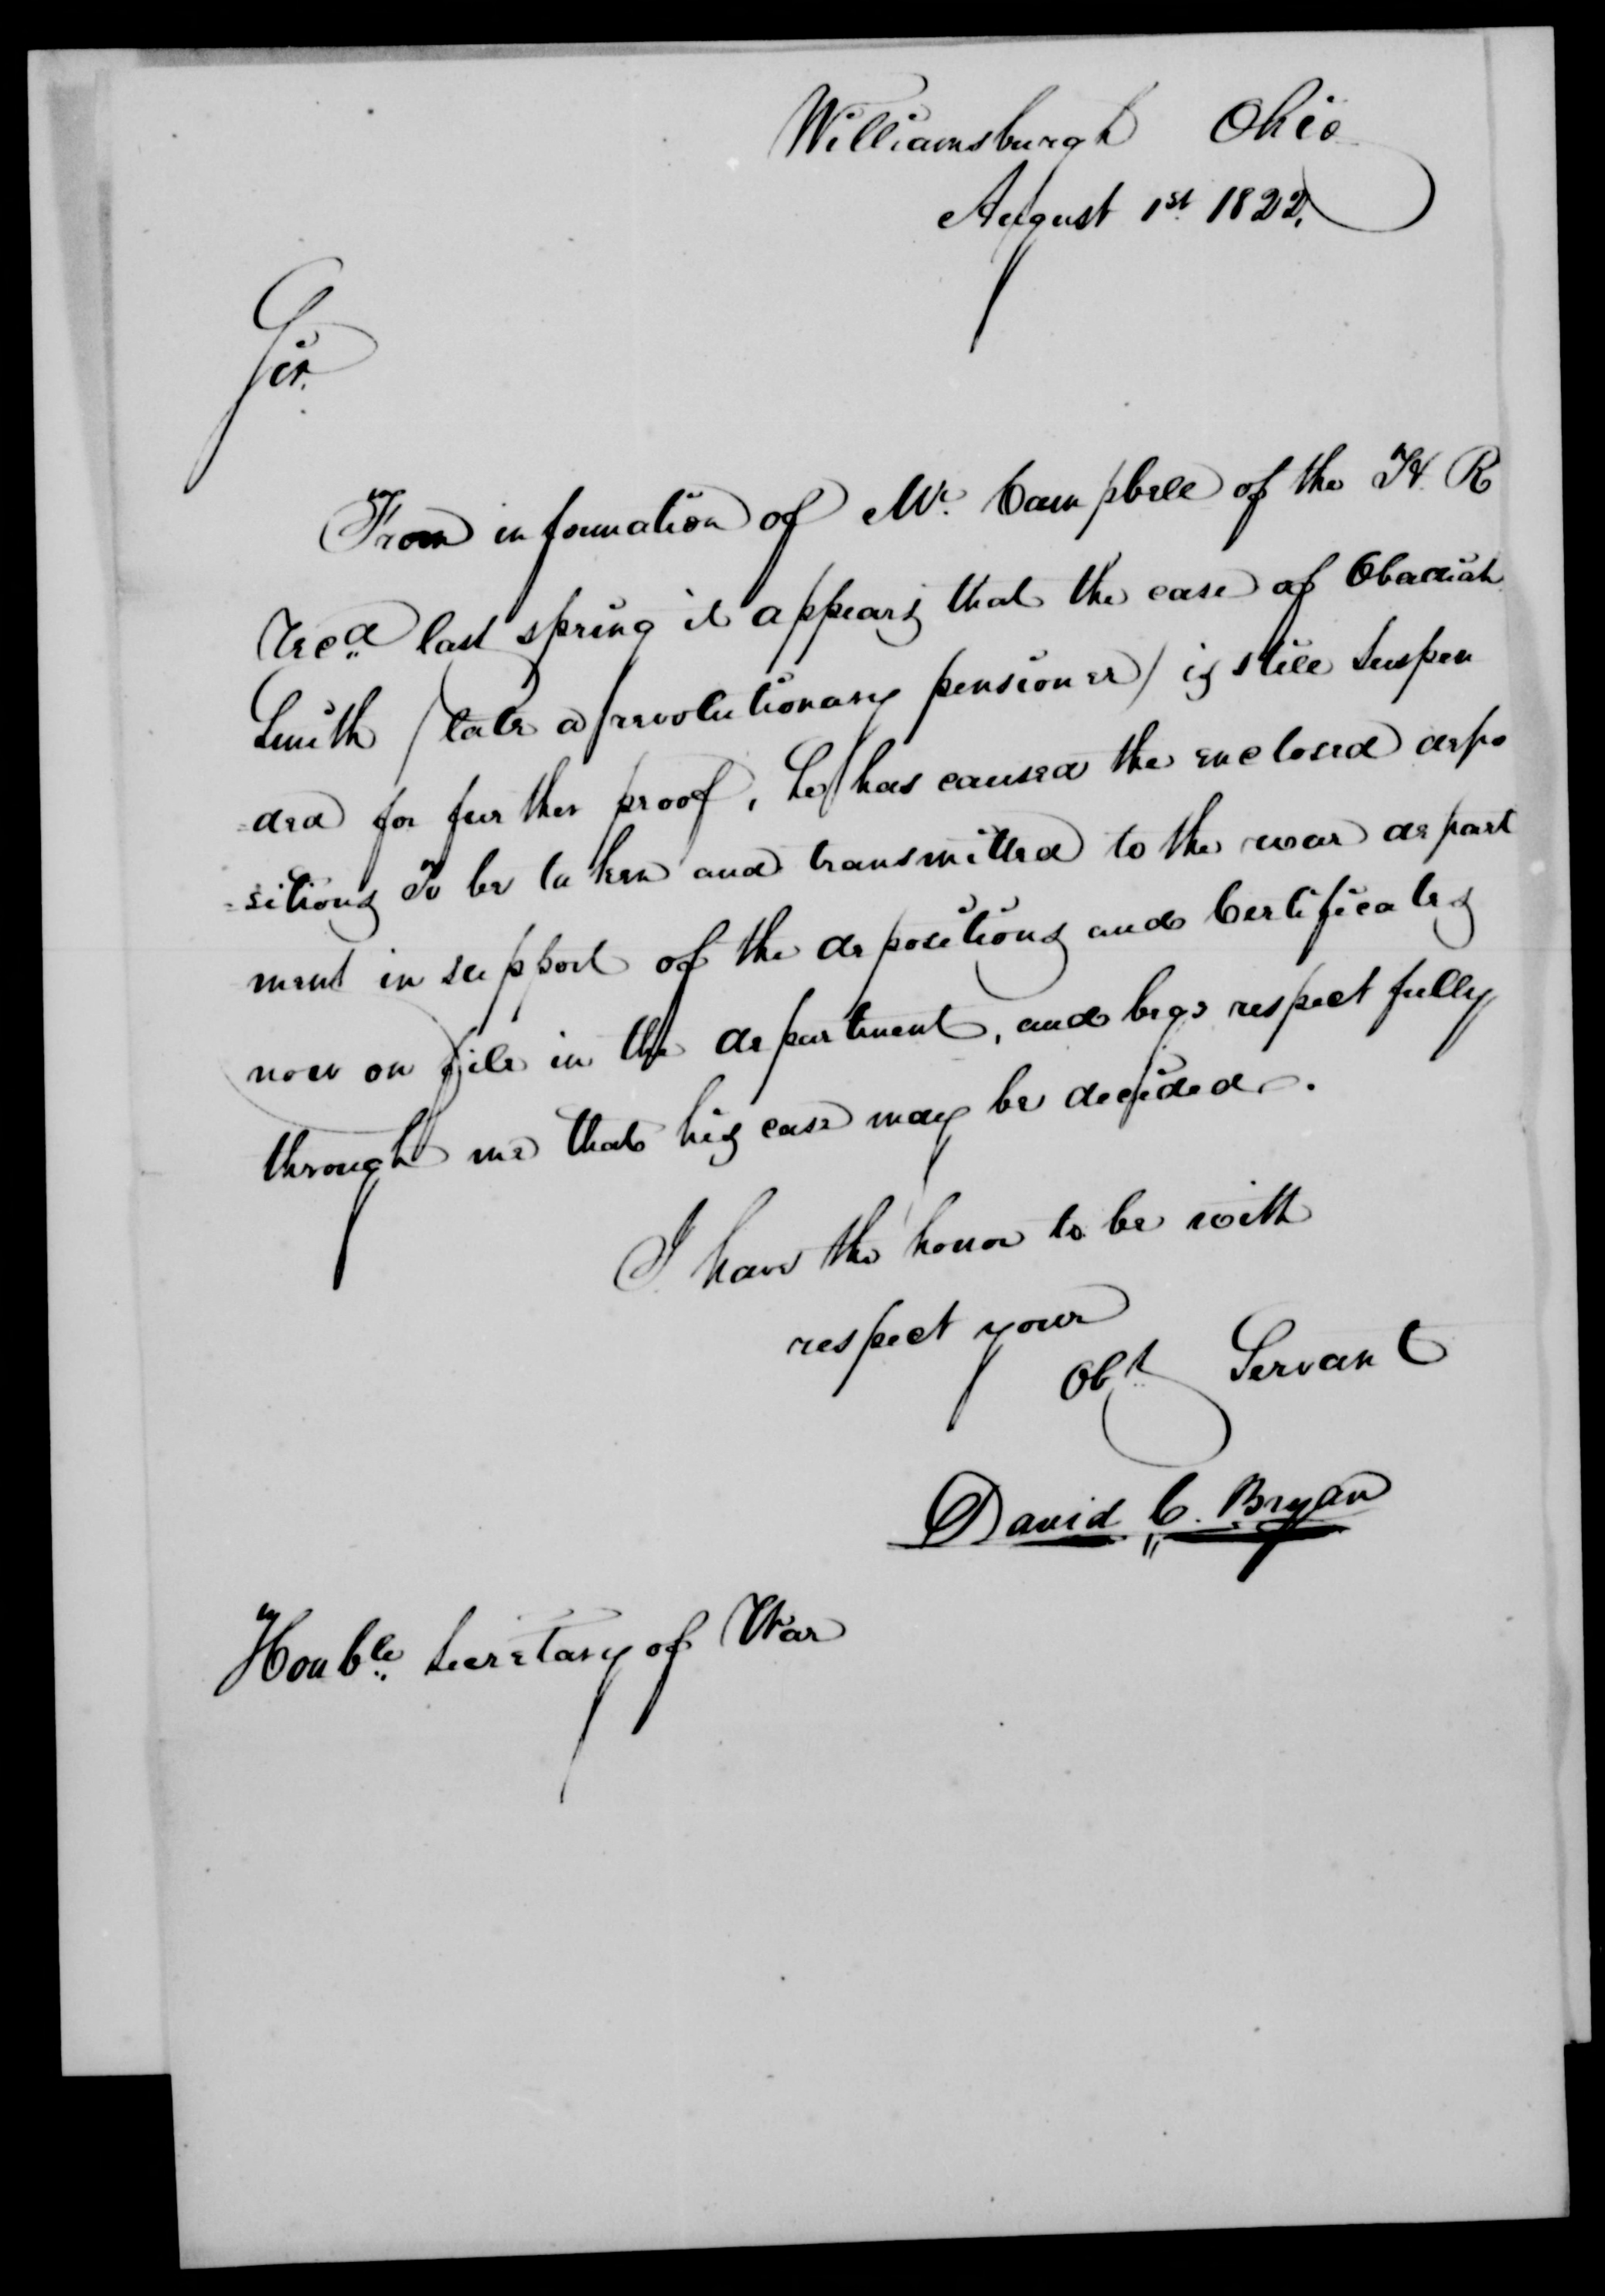Williamsburgh Ohio August 1st 1822 
Sir. From information of Mr. Campbell of the H. R recd. last spring it appears that the case of Obadiah Smith (late a revolutionary pensioner) is still Suspended for further proof, he had caused the enclosed depositions To be taken and transmitted to the war department in support of the depositions and Certificates now on file in the Department, and begs respectfully through me that his case may be decided. 
I have the honor to be with respect your Obt. Servant [signature:] David C. Bryan 
s . Secretary of War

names: [BLANK] Campbell; David C Bryan; Obadiah Smith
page: 48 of 66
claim: survivor's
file: S 40458, for Obadiah Smith, New York